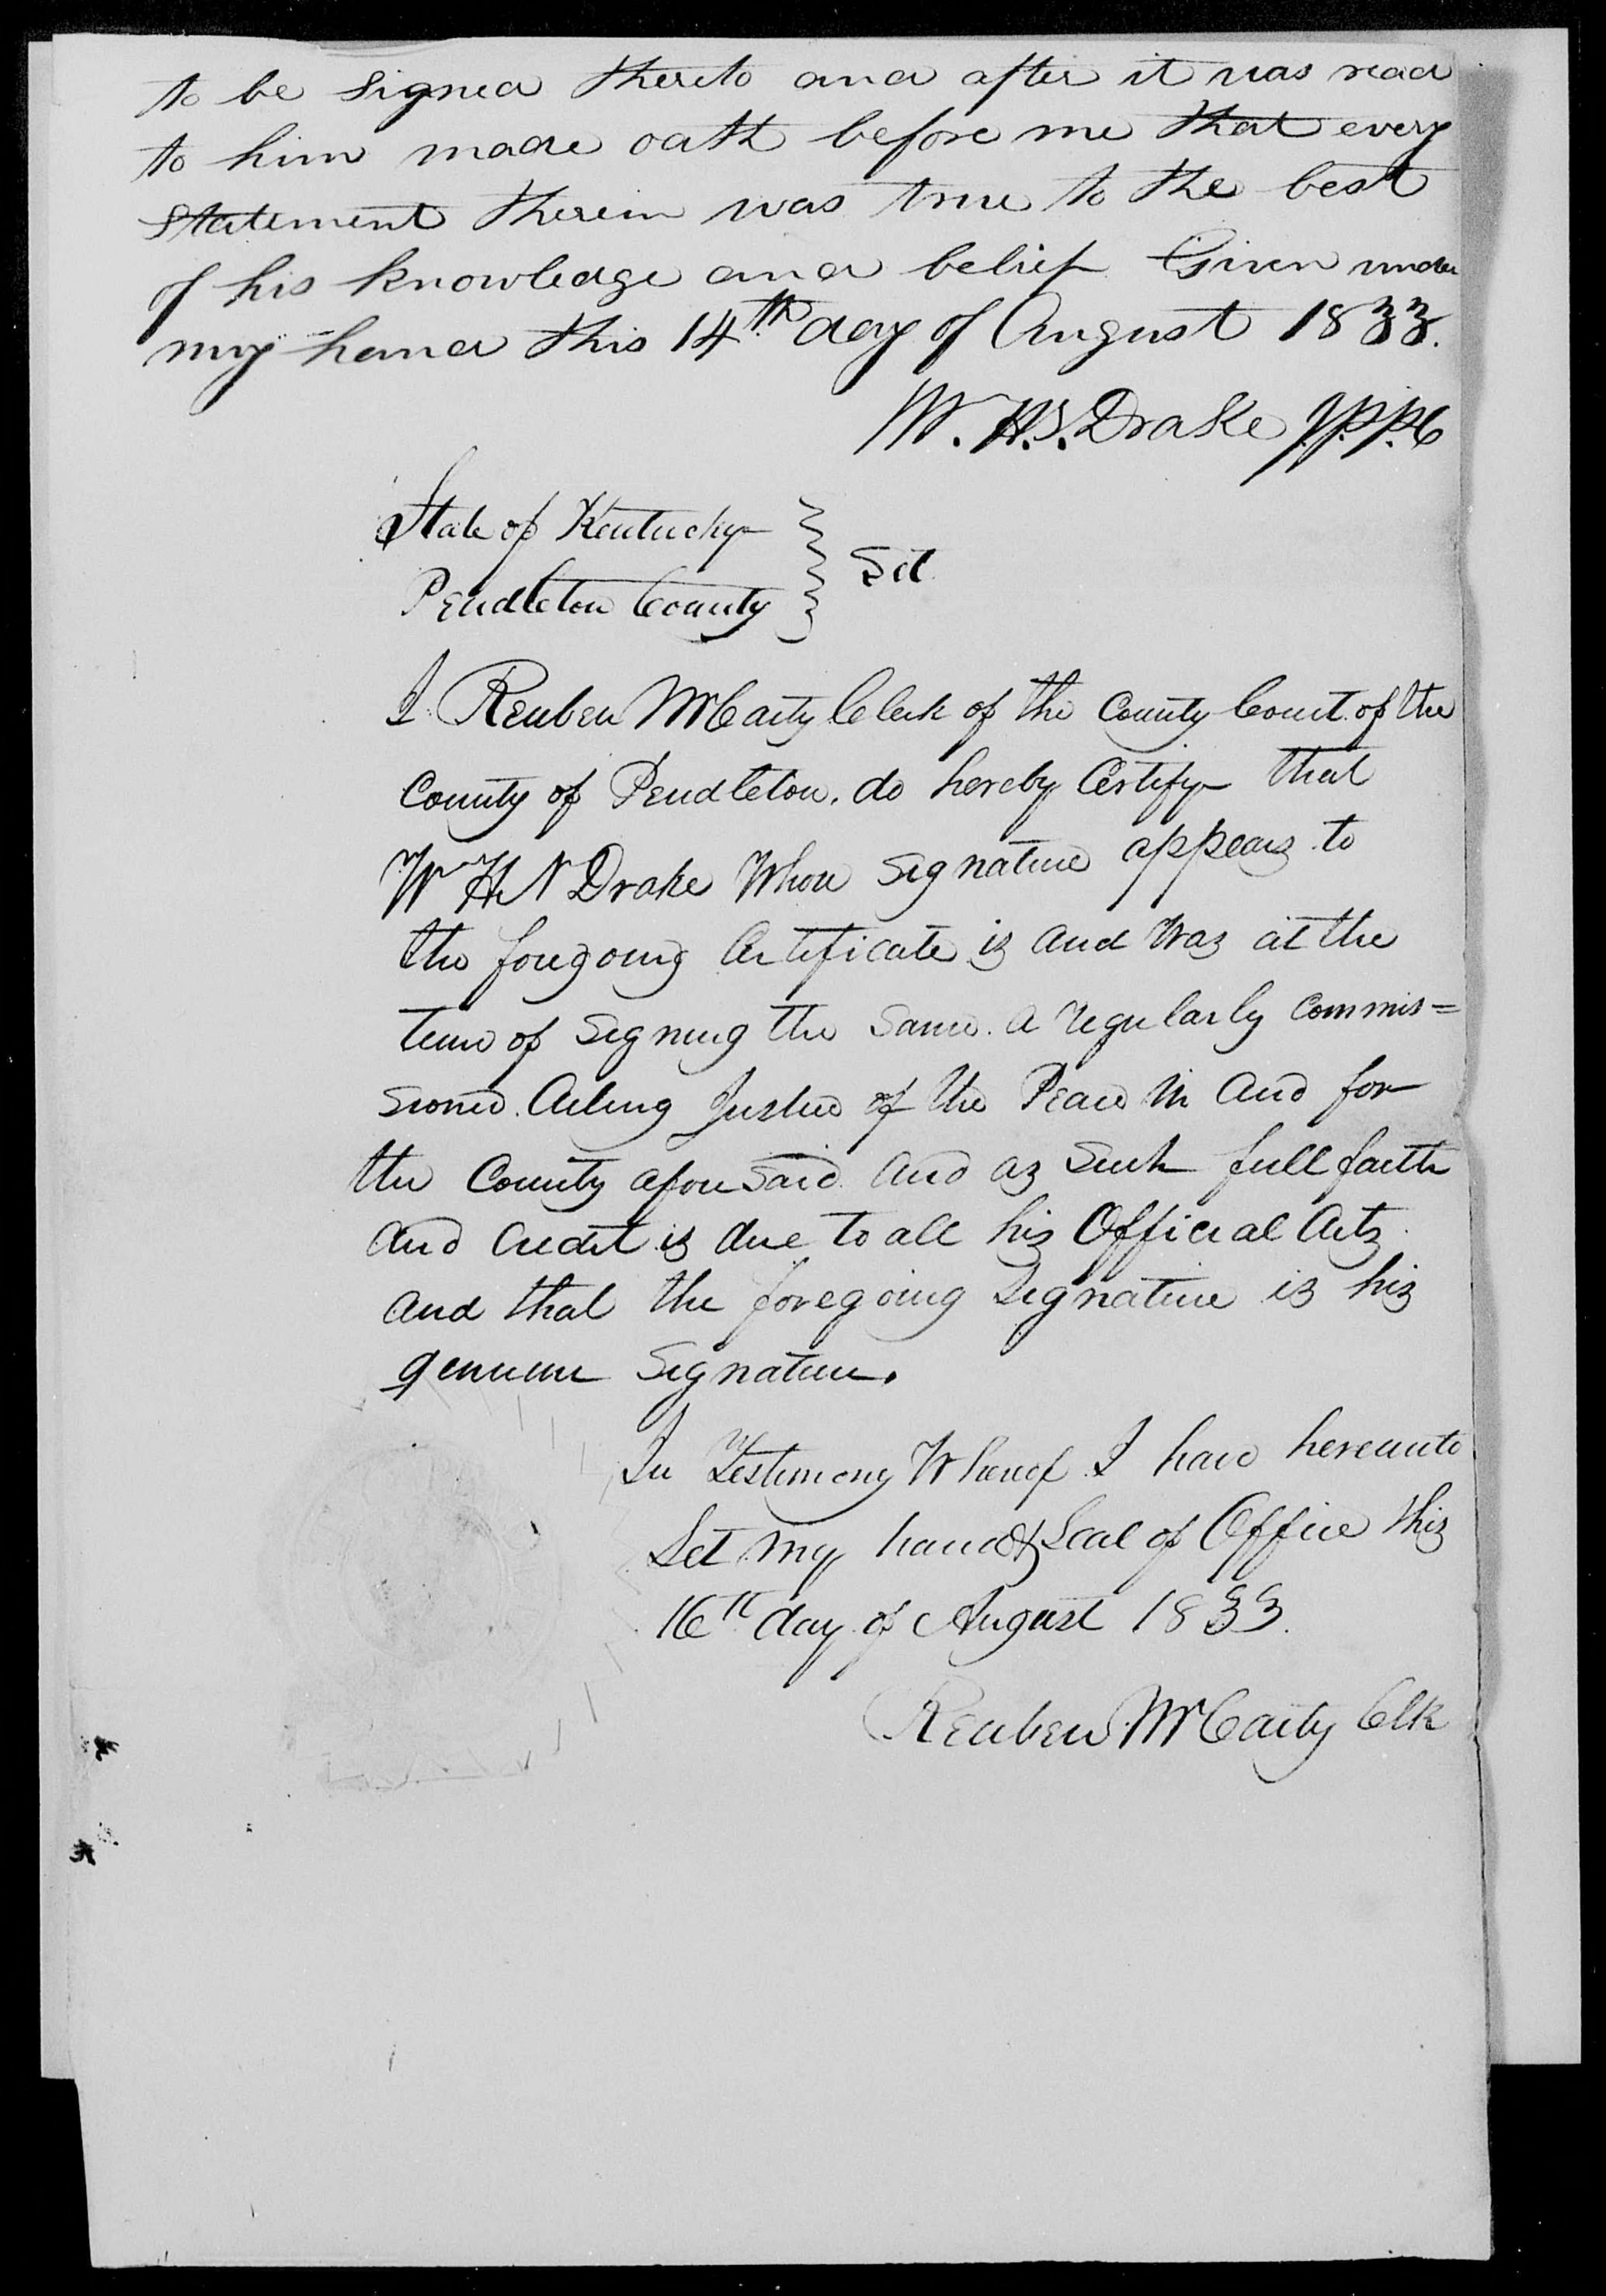to be signed thereto and after it was read
to him made oath before me that every
statement therein was true to the best
of his knowledge and belief. Given under
my hand this 14th day of August 1833.
W. H. N. Drake J.P.P.C.
State of Kentucky }
Pendleton County} Set

I. Reuben McCarty Clerk of the County Court of the
County of Pendleton, do hereby certify that
W H N Drake whose signature appears to
the foregoing certificate is and was at the time
of signing the same a regularly commis-
sioned Acting Justice of the Peace in and for
the County aforesaid and as such full faith
and credit is due to all his official acts
and that the foregoing signature is his
genuine signature.
In Testimony Whereof I have hereunto
set my hand & Seal of Office this
16th day of August 1833
Reuben McCarty Clk
[seal]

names: W H N Drake; Reuben Mc Carty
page: 14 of 34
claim: survivor's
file: S. 30608, for Gabrel Mullins, Virginia